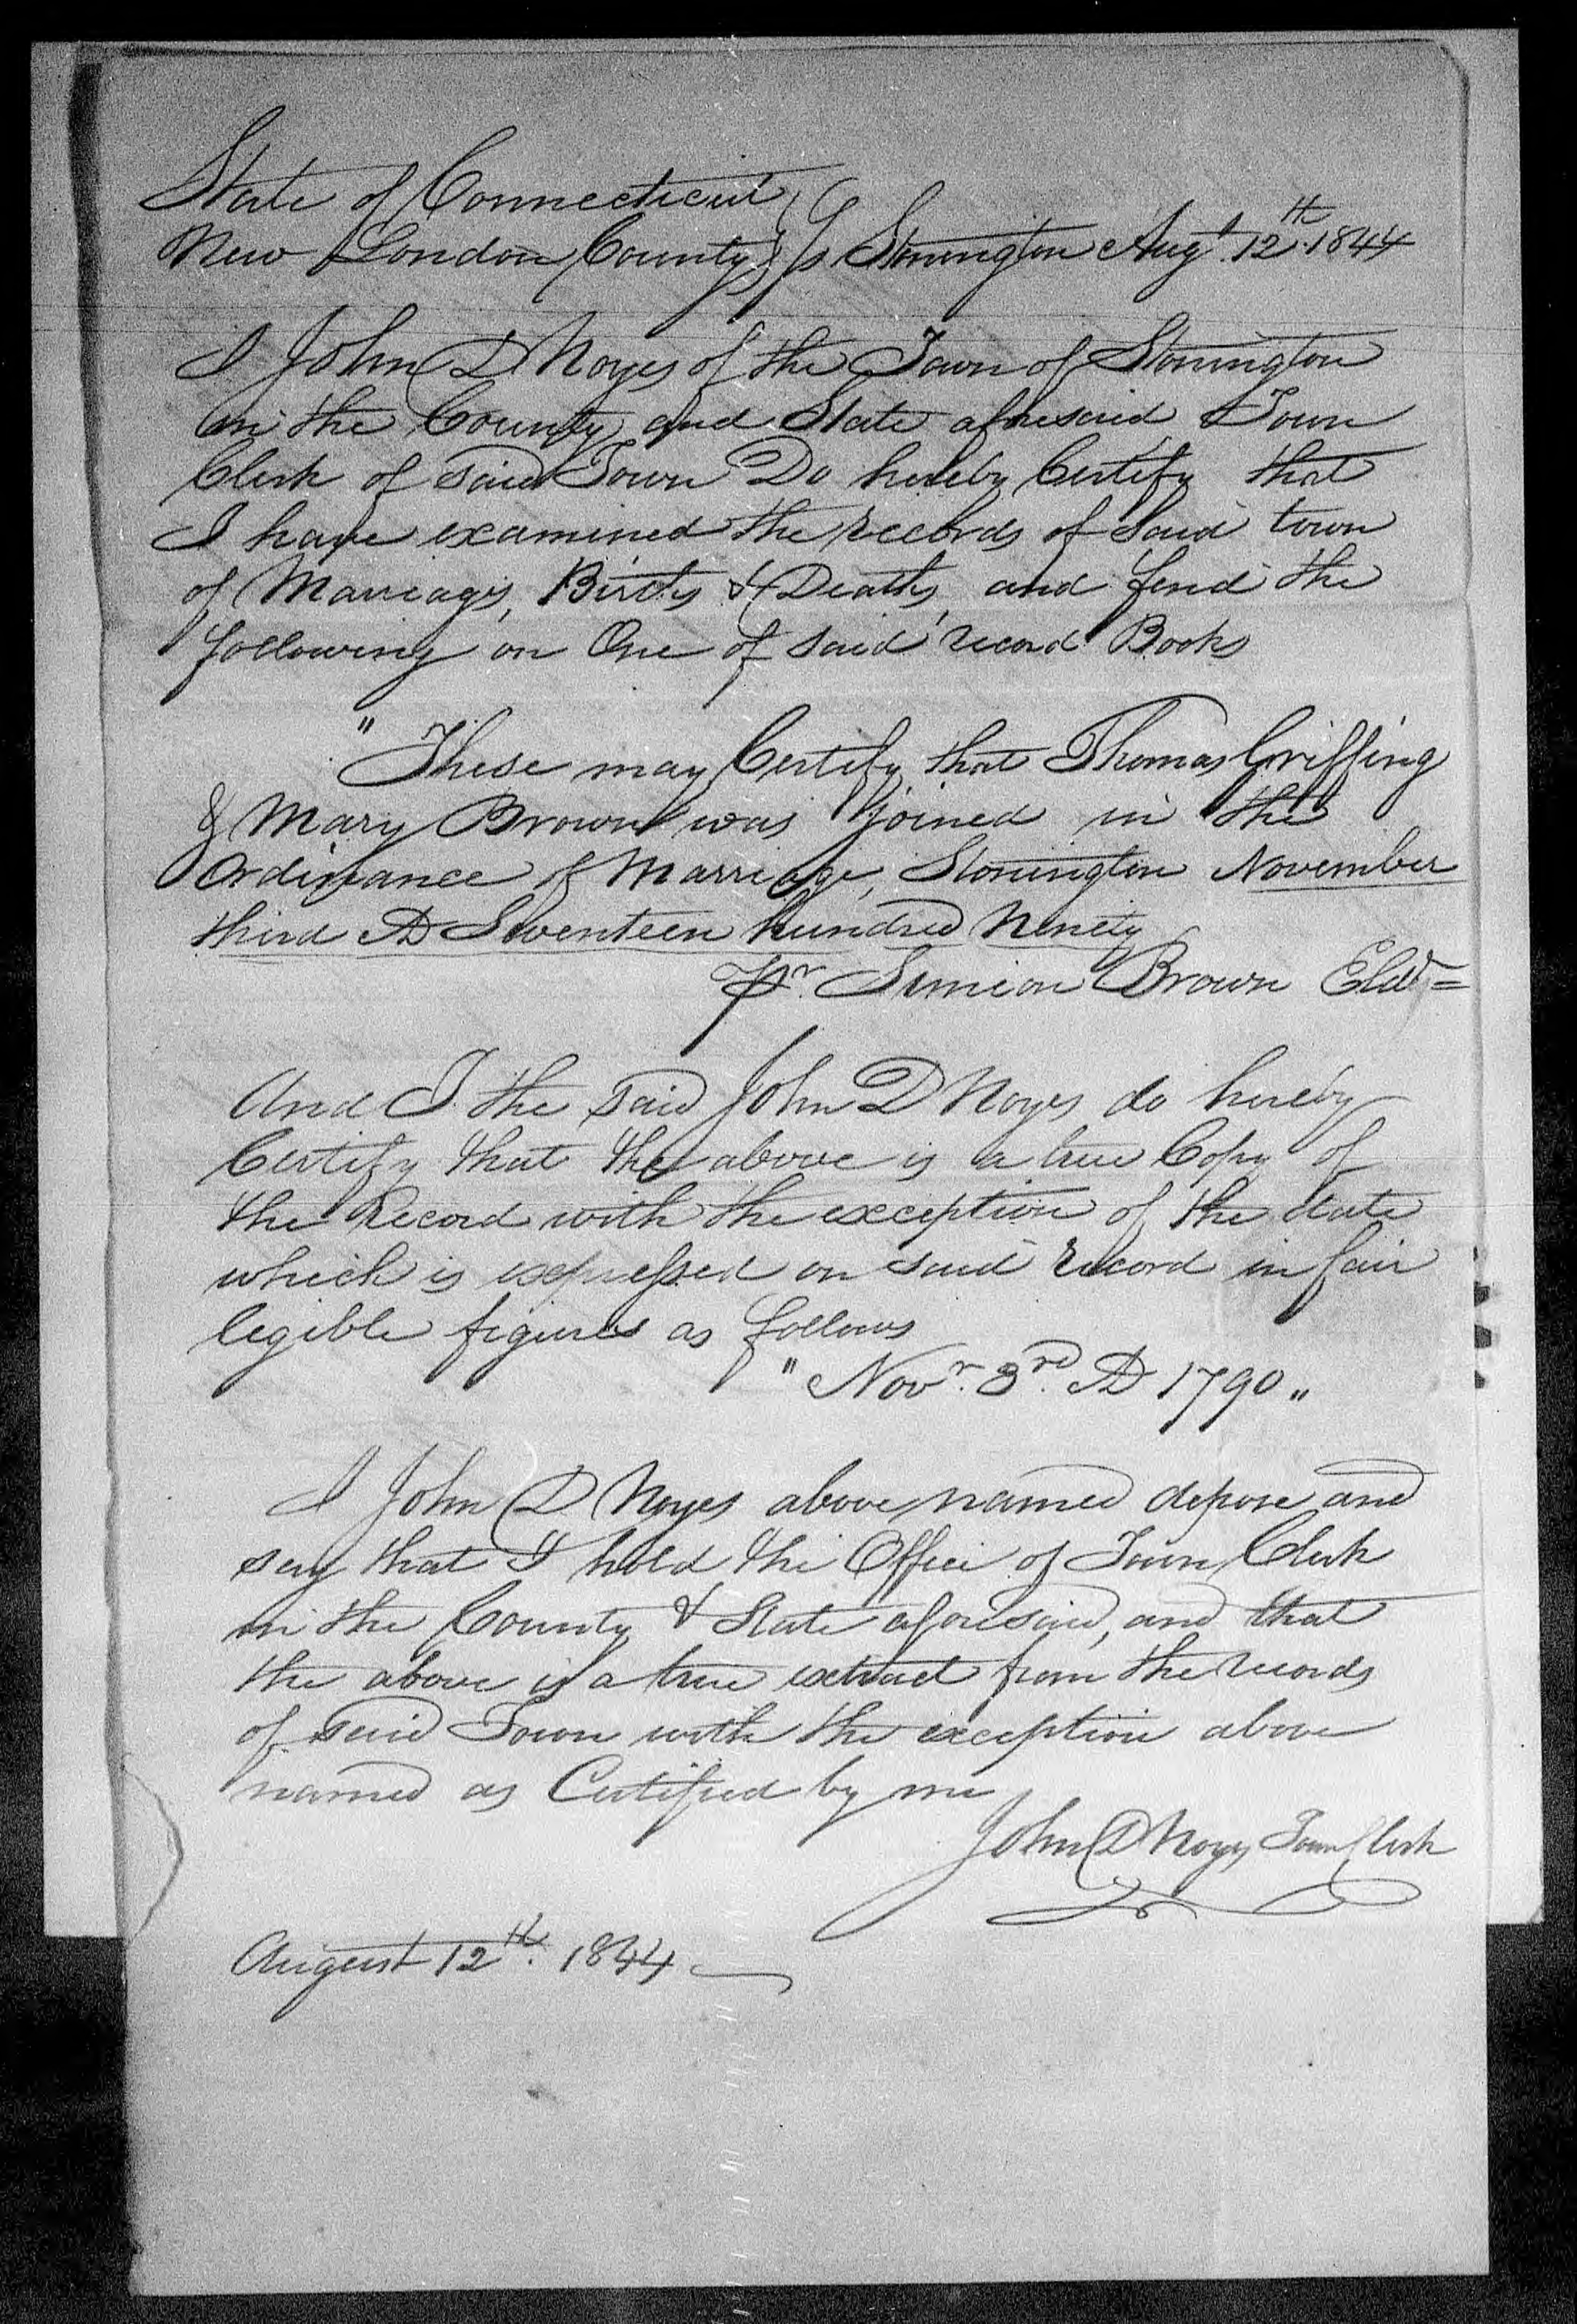State of Connecticut, New London County Ss
Stonington Aug 12th 1844
I John D Noyes of the Town of Stonington in the County and State aforesaid Town Clerk of said Town Do hereby certify that I have examined the records of said town of Marriage, Births & Deaths, and find the following on one of said record Books
“These may certify that Thomas Griffing & Mary Brown was joined in the Ordinance of Marriage, Stonington November third AD Seventeen hundred ninety
Pr. Simeon Brown Eldr.”
And I the said John D Noyes do hereby Certify that the above is a true Copy of the Record with the exception of the date which is expressed on said record in fair legible figures as follows “Novr. 3rd AD 1790”
I John D Noyes above named depose and say that I hold the Office of Town Clerk in the County & State aforesaid, and that  the above is a true extract from the records of said Town with the exception above named as certified by me
John D Noyes Town Clerk August 12th 1844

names: John D Noyes, John D Noyes, Simeon Brown, Thomas Griffing, Mary Brown, John D Noyes, John D Noyes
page: 15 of 60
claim: widow's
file: W. 19,537, Thomas Griffin, Conn.